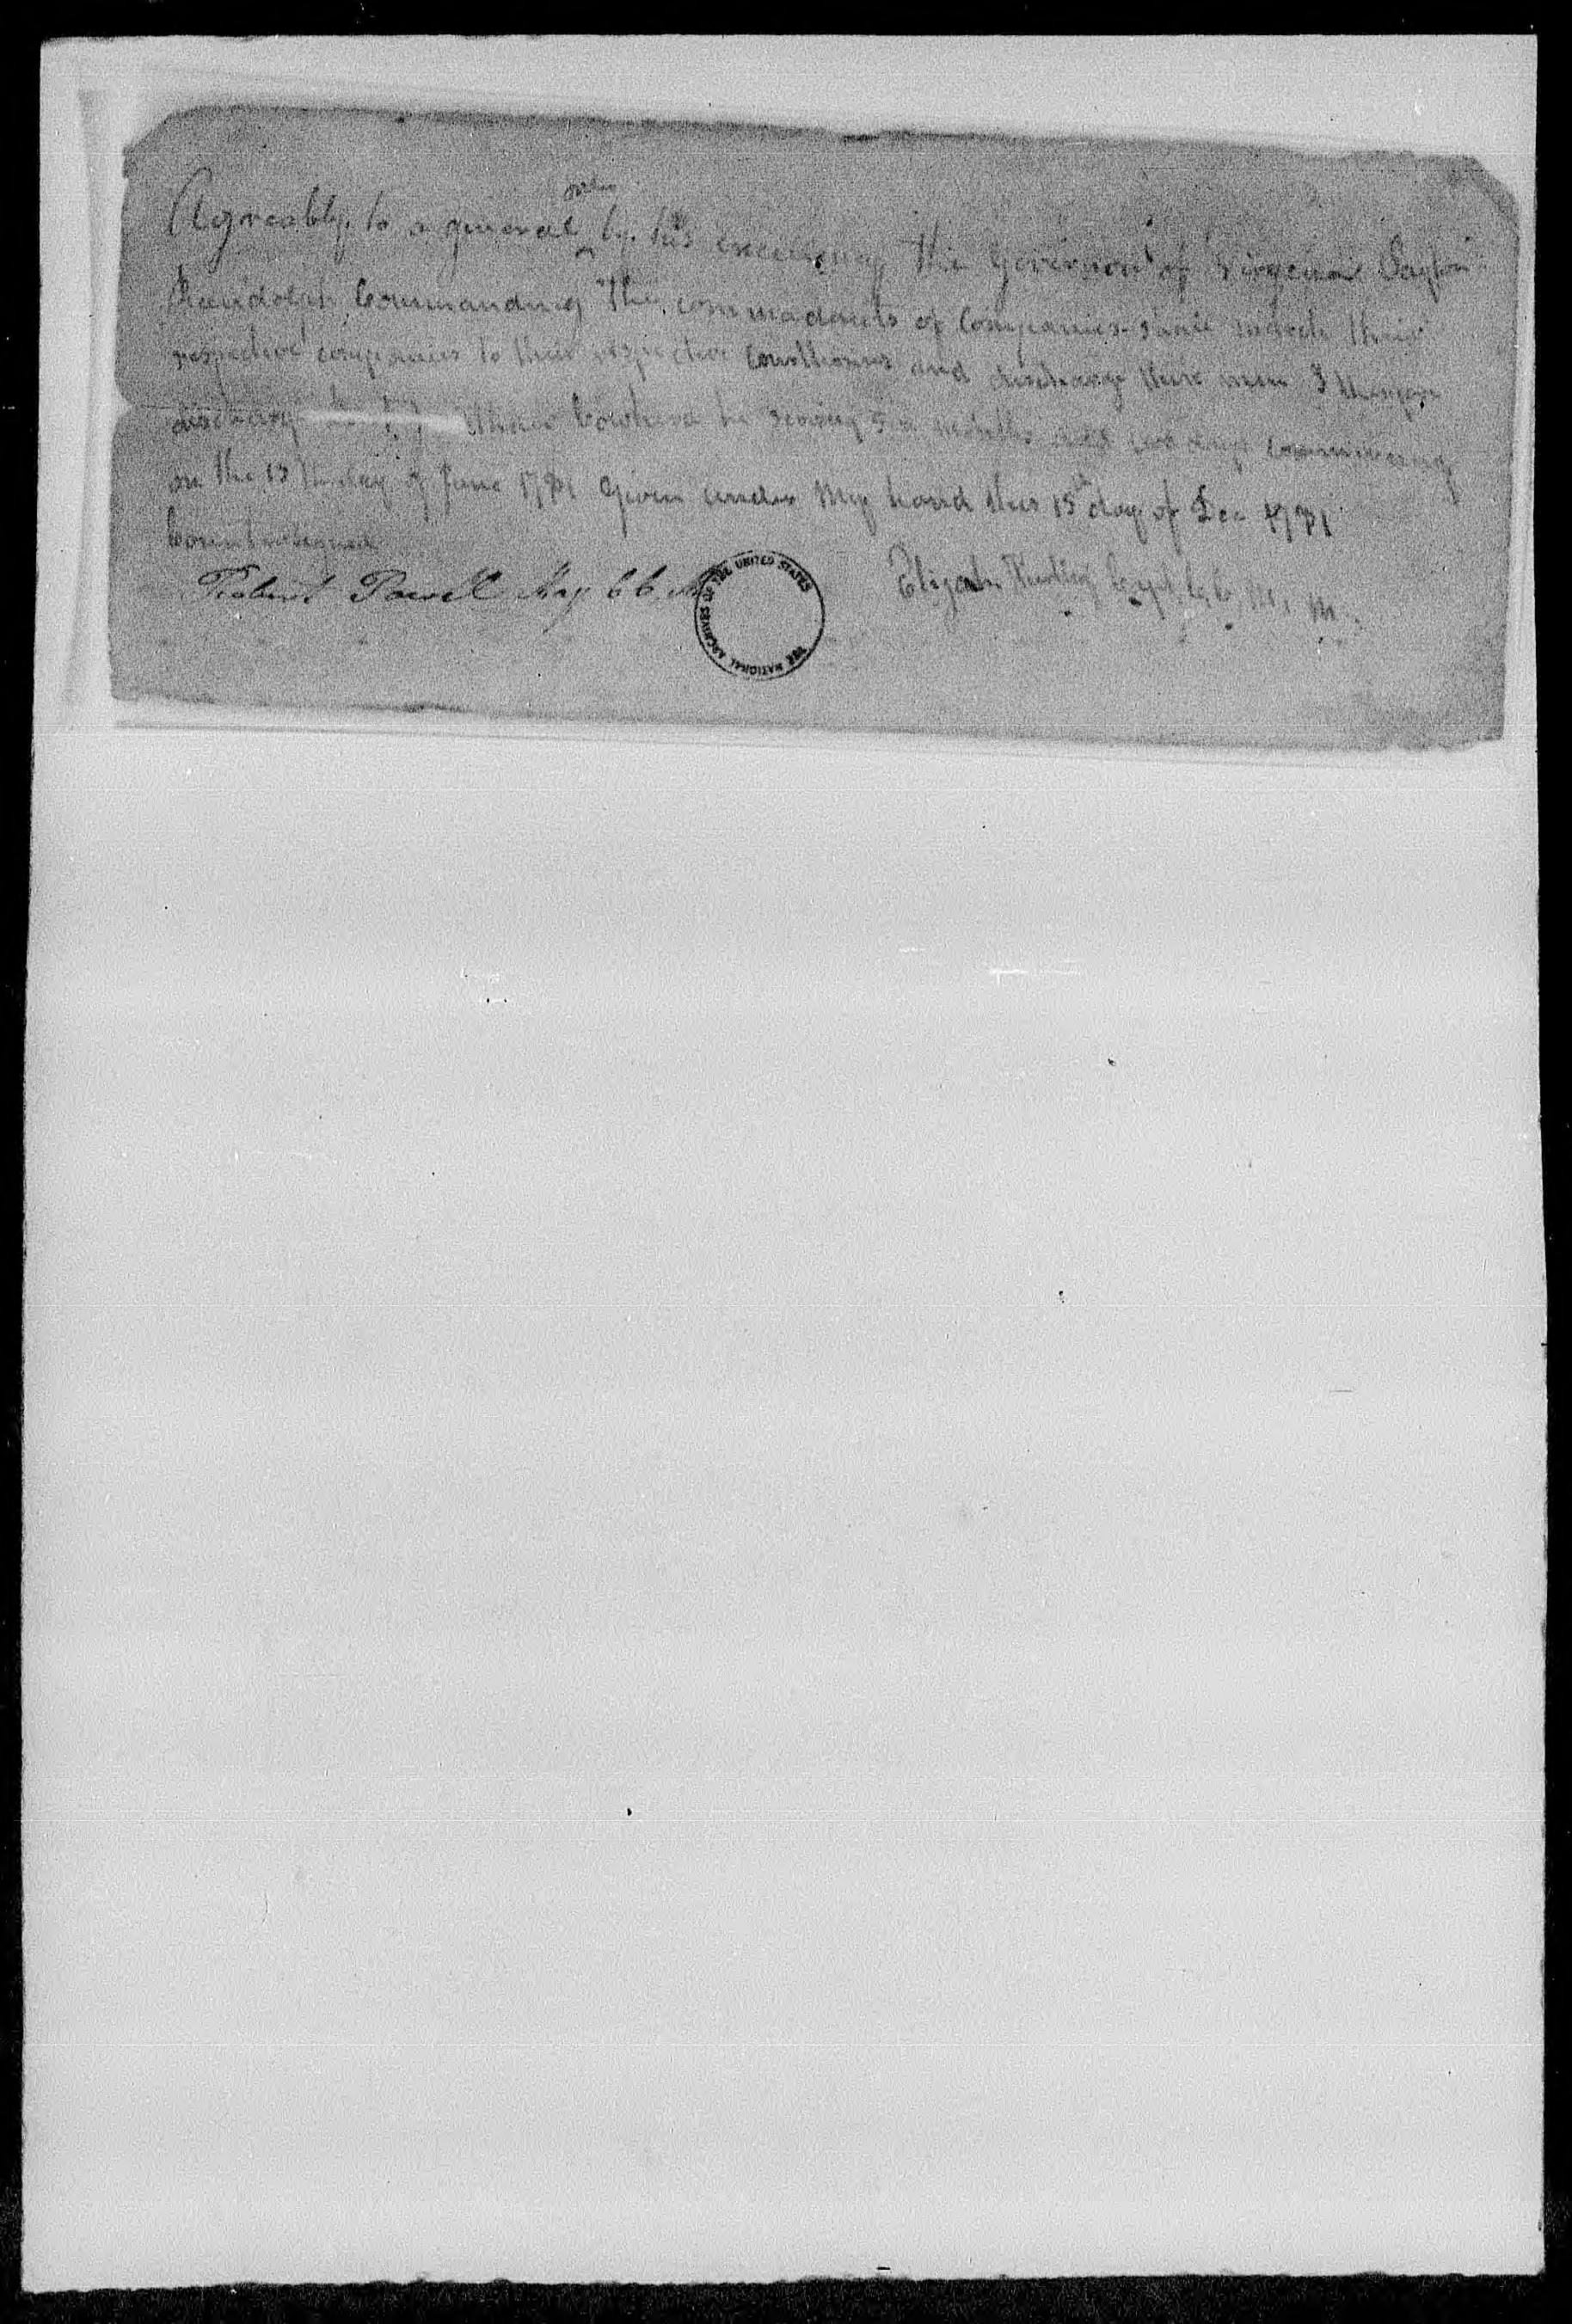Agreeably to a general one by his enlisting the Governor of Virginia [illegible] Randolph commanding the commandants of companies some which their respective companies to their respective commissions and discharge their men therefore discharge [illegible] Cowherd he serving [illegible] months and [illegible] days commencing on the 13th day of June 1781
Given under my hand this 15th day of Dec 1781 county [illegible]
Elijah Kirtley apt [illegible]

Robert Powell May 66 
[stamp] THE NATIONAL ACHIVES OF THE UNITED STATES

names: Jonathan Cowherd, Elijah Kirtley, Robert Powell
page: 18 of 46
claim: widow's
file: W 8619, Jonathan Cowherd, Va.